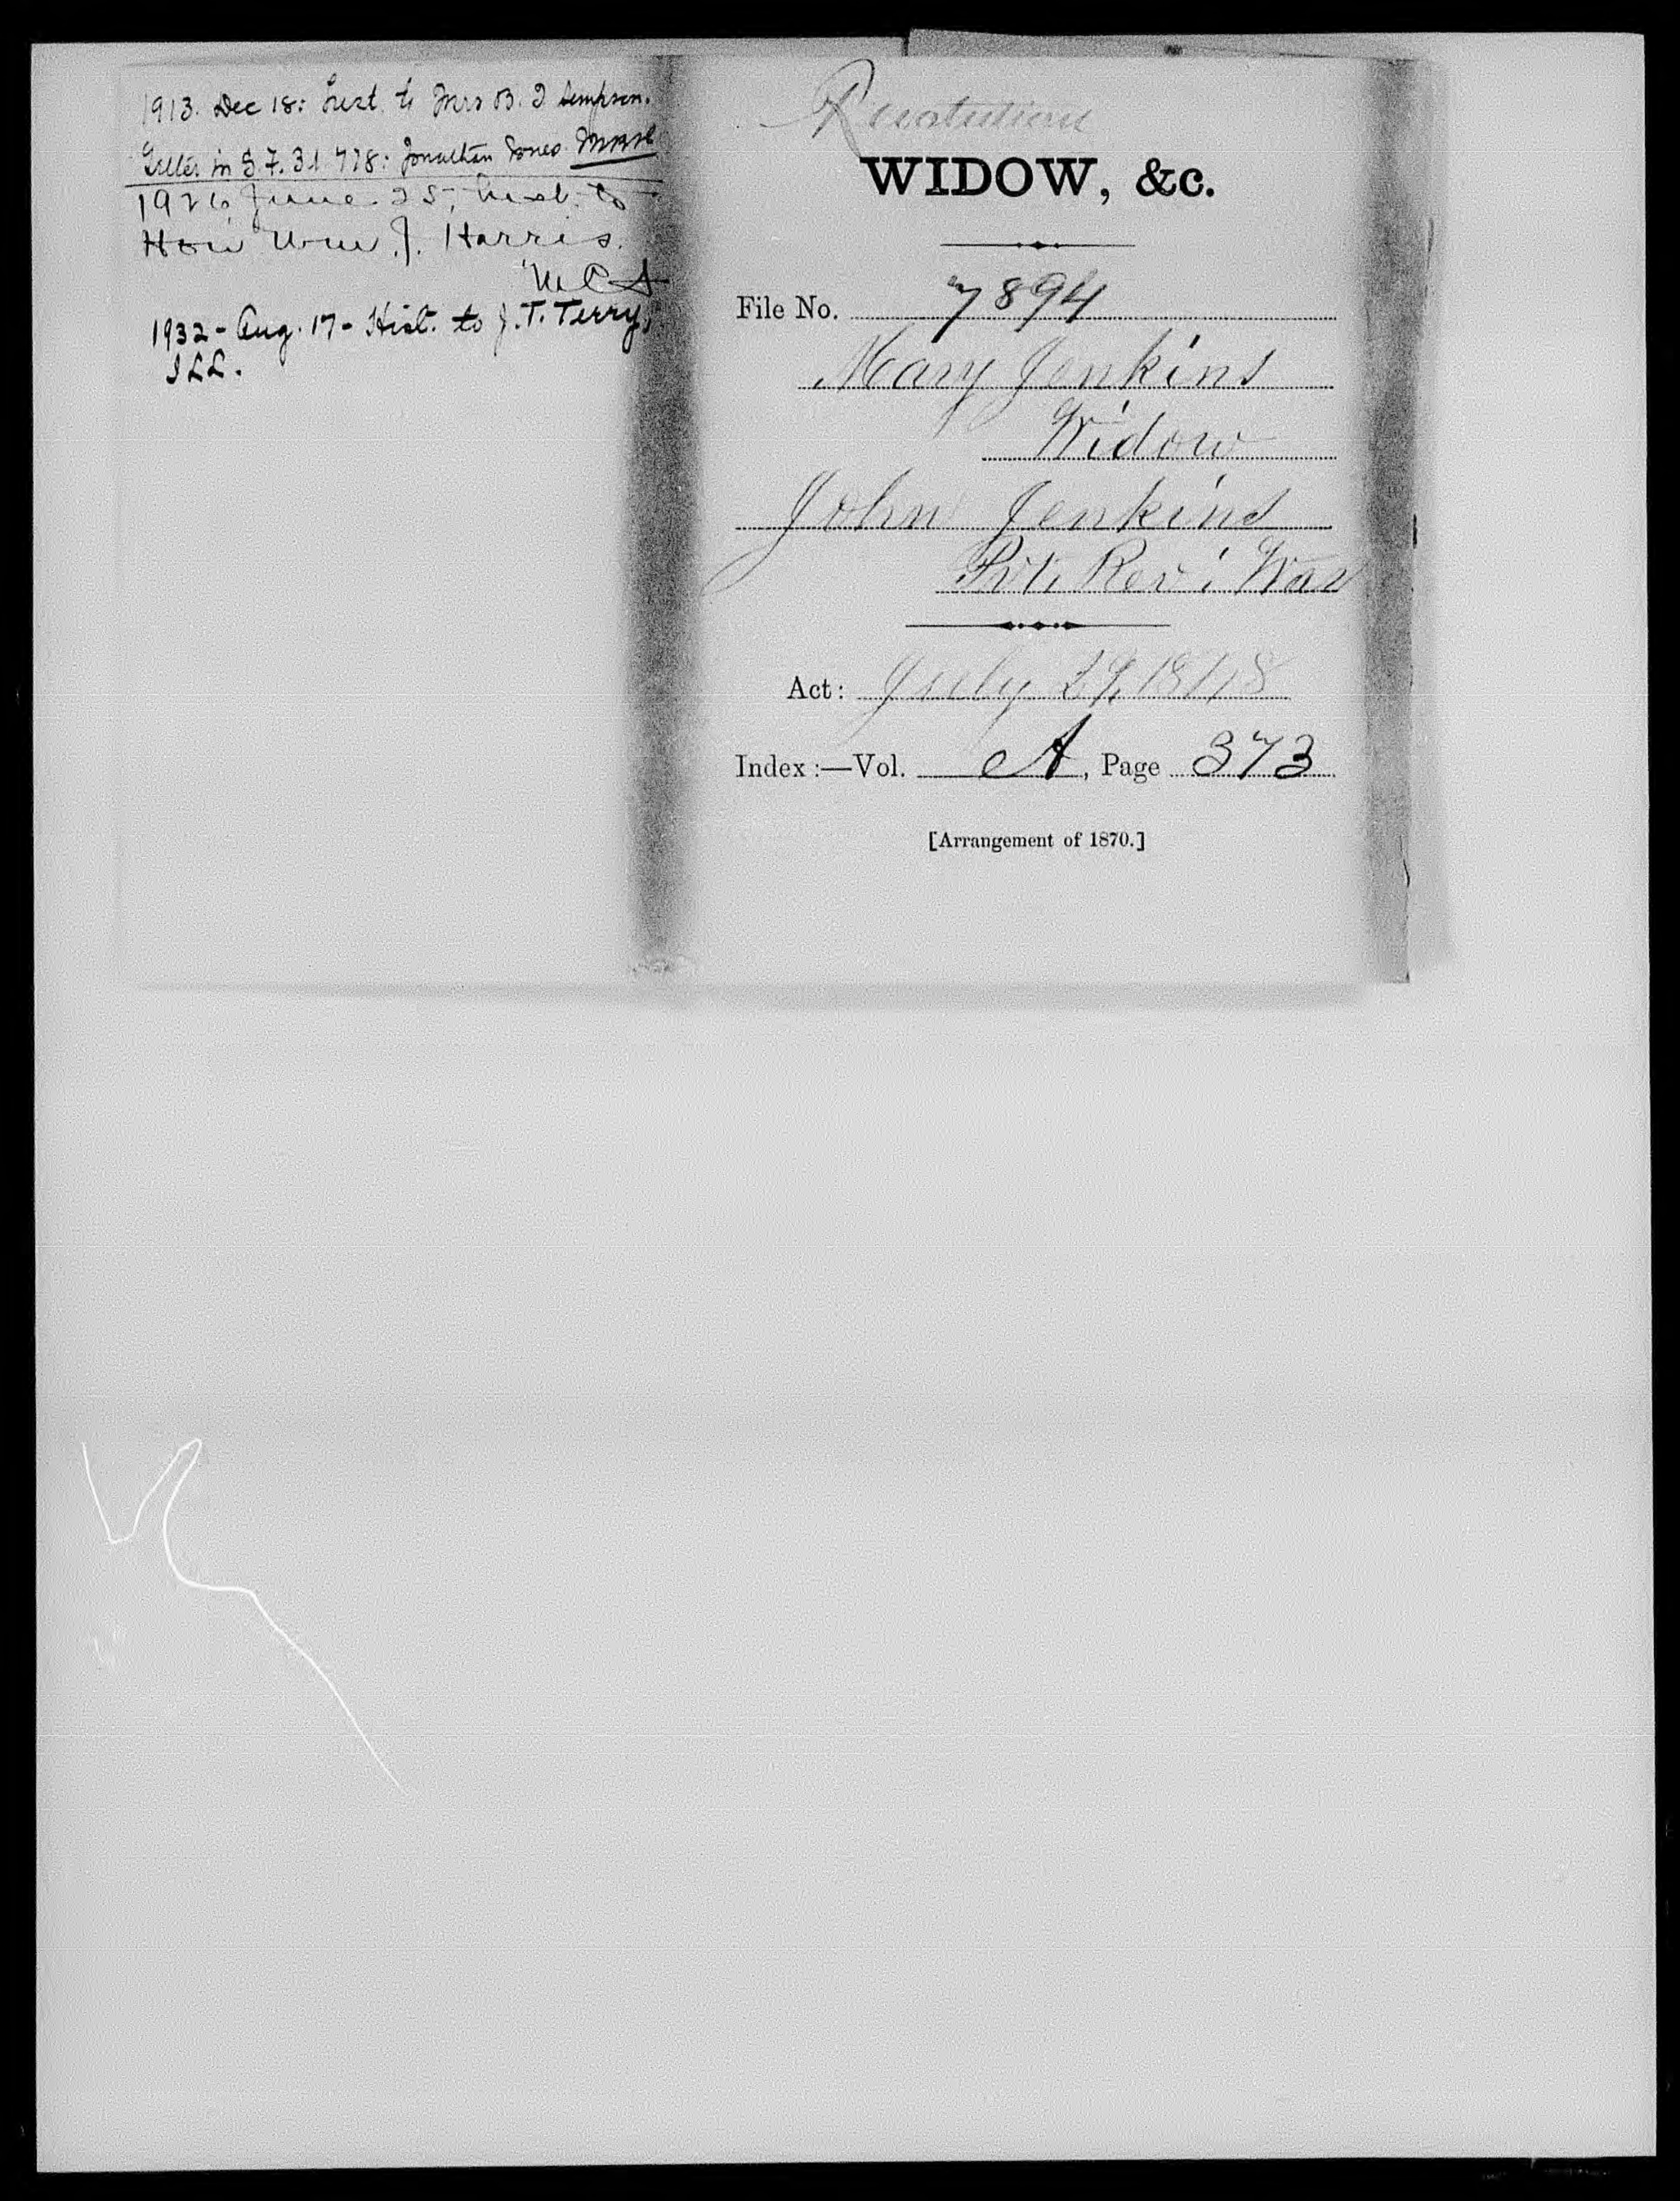1913 Dec 18: hist to Mrs B. J. Simpson.
[illegible] in S. F. 31778: Jonathan Jones [illegible]
1926 June 25 hist to Hon W J. Harris WCS
1932-Aug- Hist. to J. T. Terry, JLL.
Revolution WIDOW, &c
File No. 7894
Mary Jenkins Widow John Jenkins Pvt. Rev: War
Act: July 29, 1818 Index:-Vol. A, Page 373
[Arrangement of 1870.]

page: 26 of 55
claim: widow's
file: W. 7894, for John Jenkins, Virginia